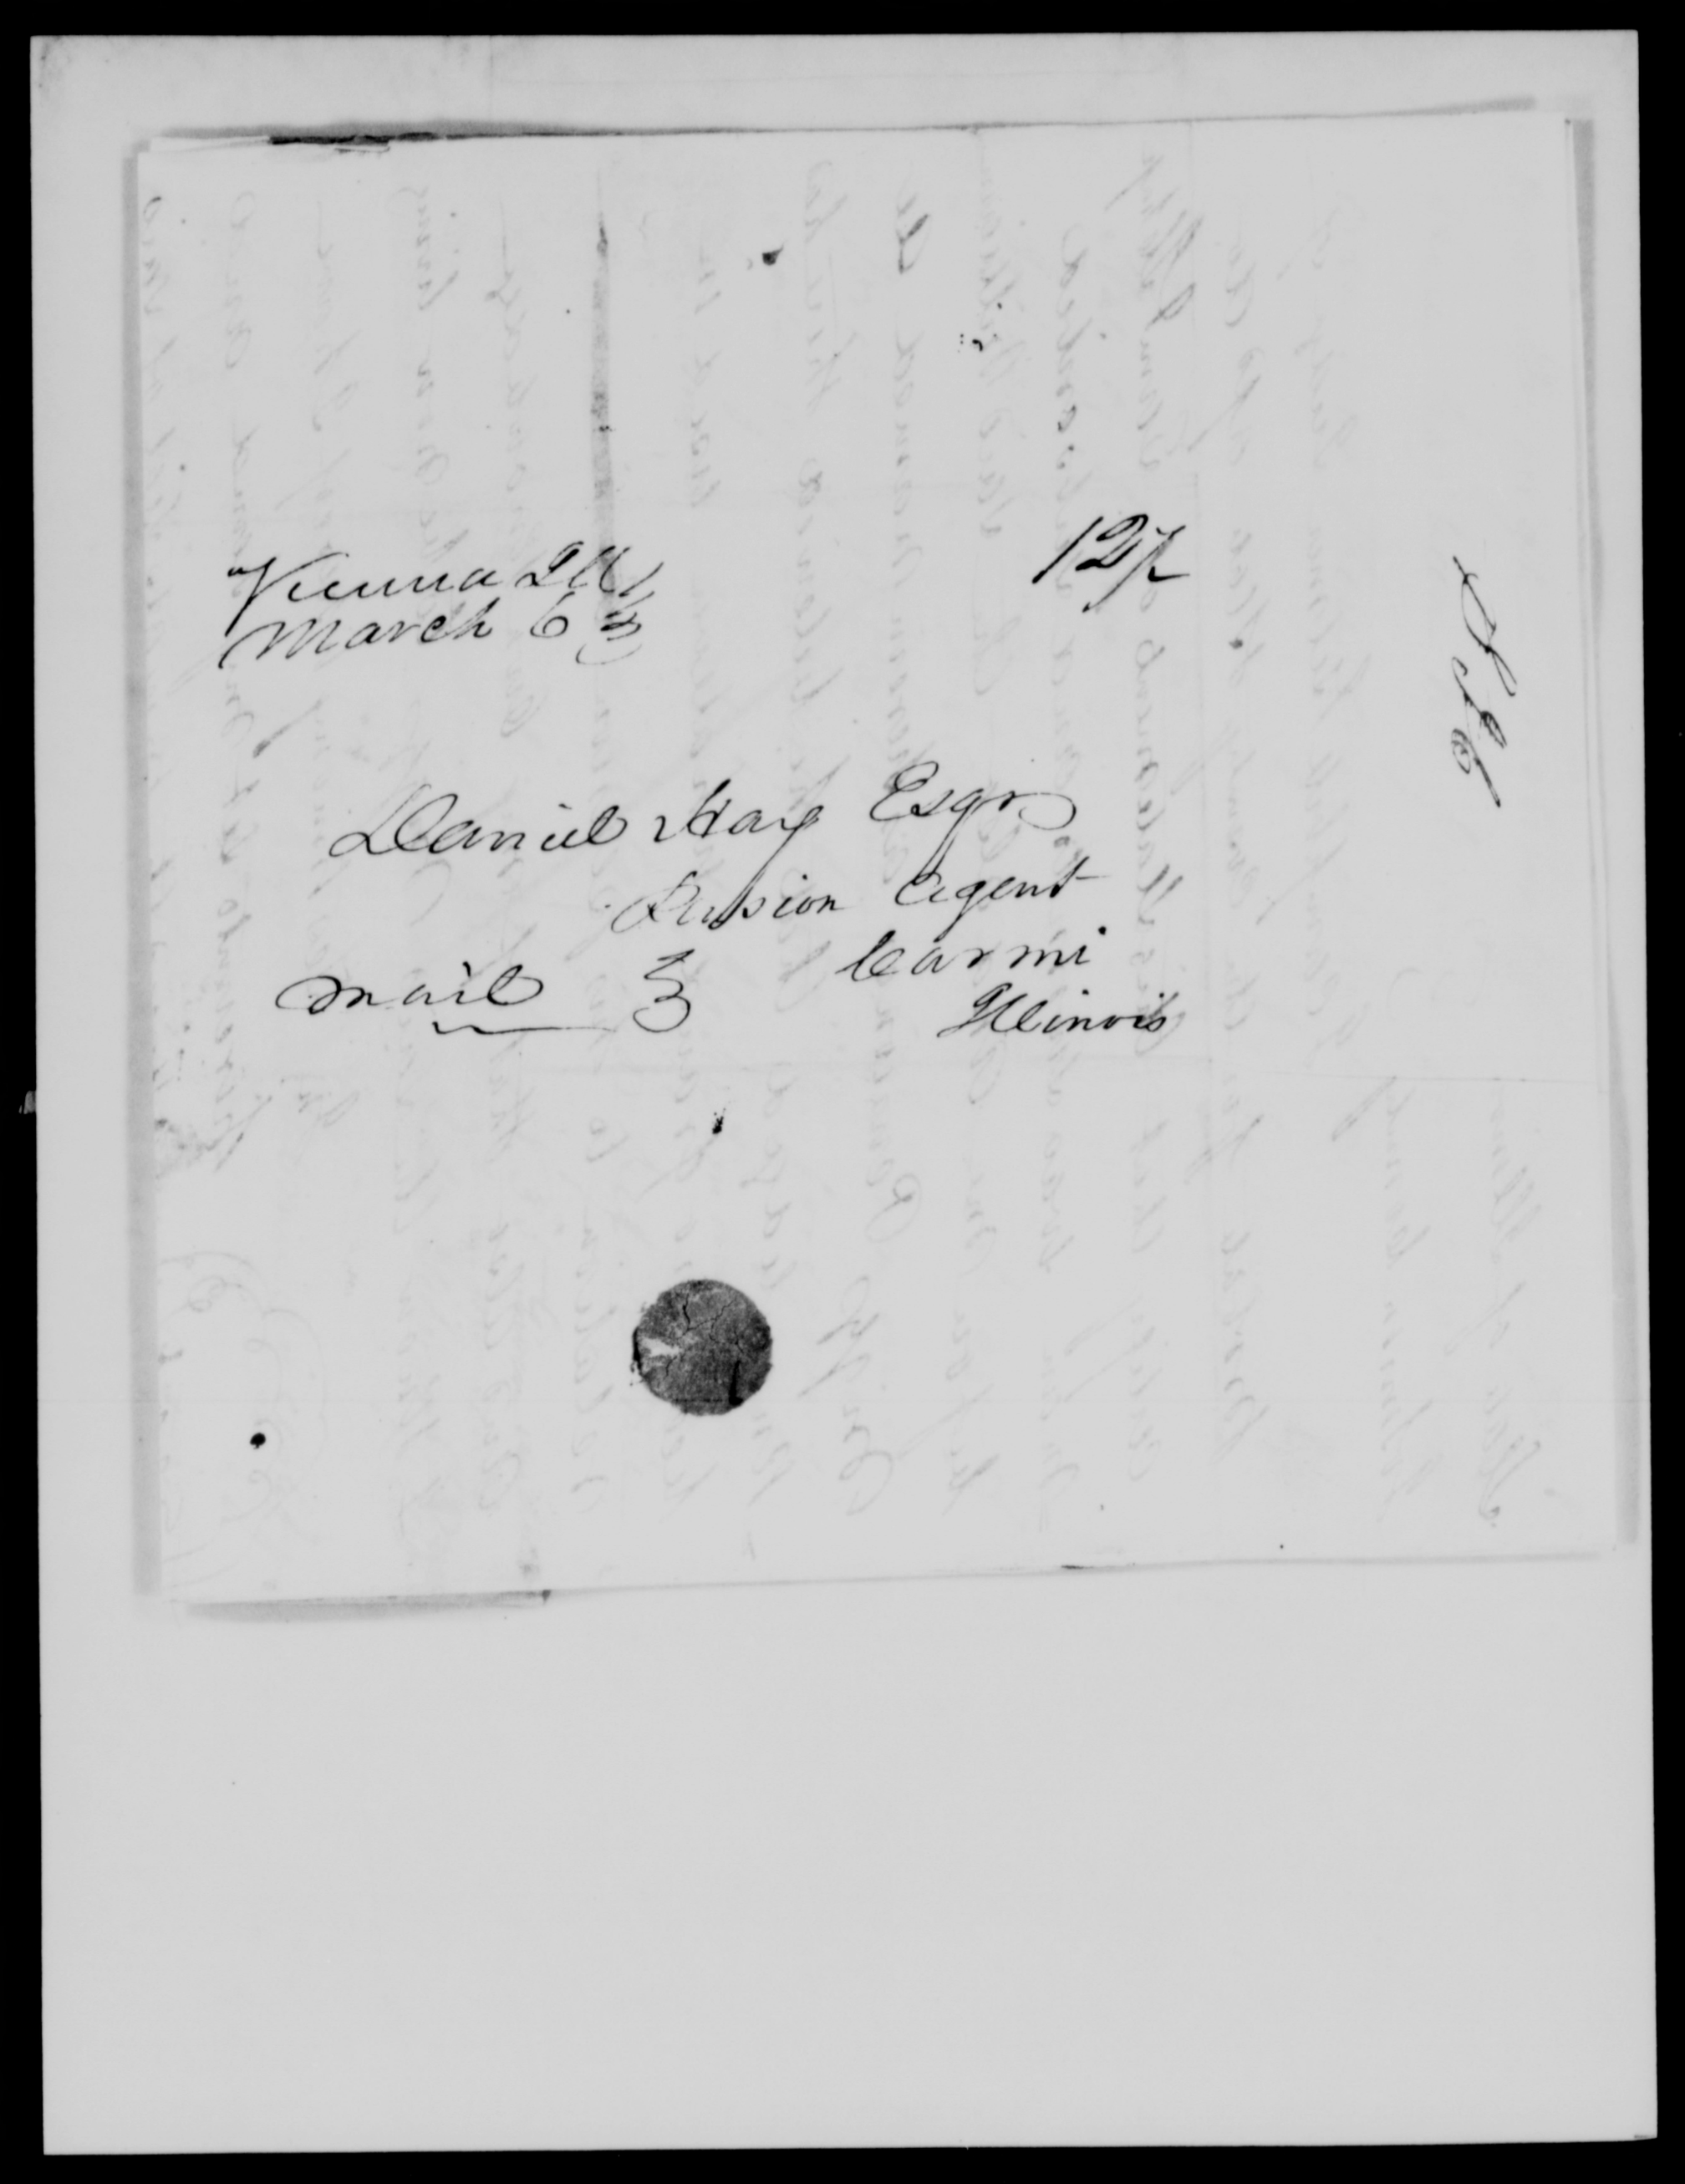Vienna, Ill                 12
March 6

Daniel Hay, Esqr
Pension Agent
Carmi
Illinois

Mail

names: Daniel Hay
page: 19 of 31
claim: survivor's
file: S. 32608, William Wiggs, N.C.